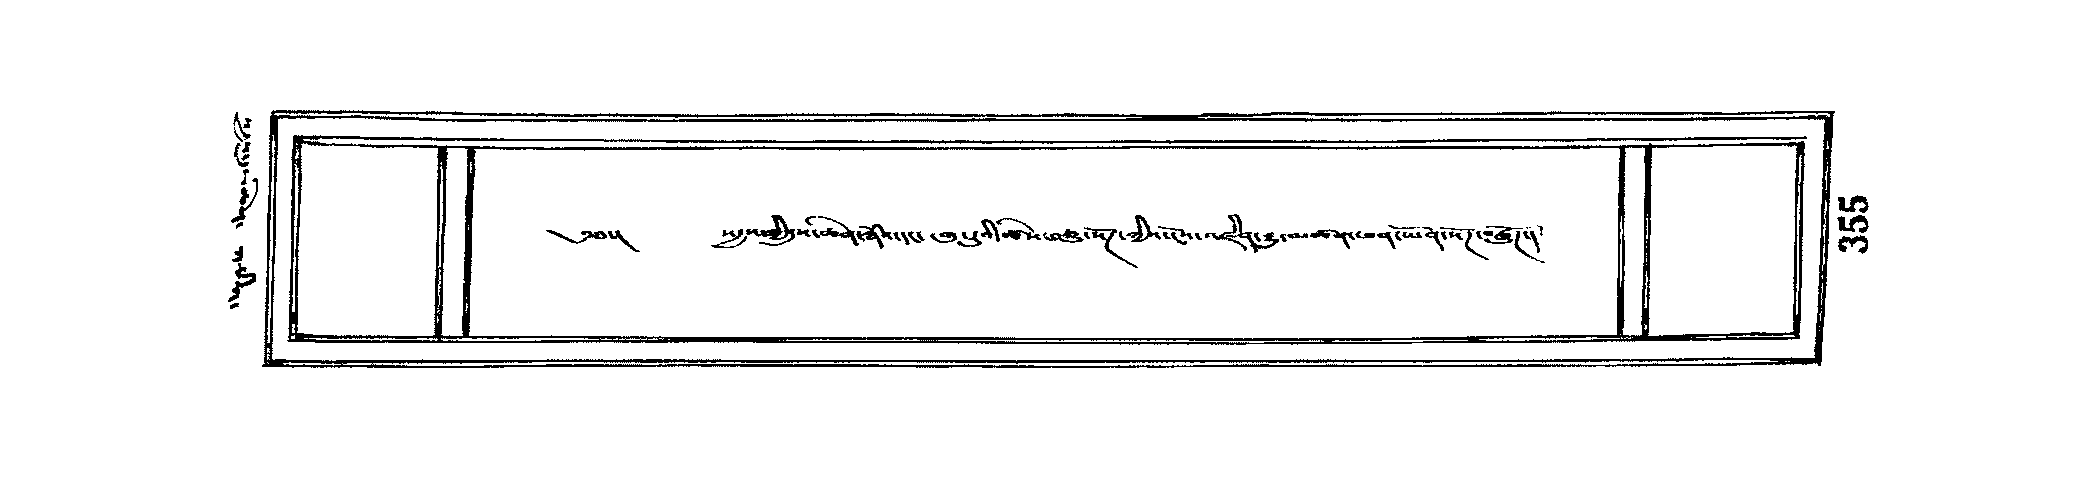༄༅། སངས་རྒྱས་ཀྱི་དུས་ཆེན་རྣམས་དང་གུ་རུའི་ཚེས་བཅུ་སོགས་ཀྱིས་ངོས་འཛིན་རྒྱུ་མཚན་ཕན་ཡོན་སོགས་བཞུགས།།